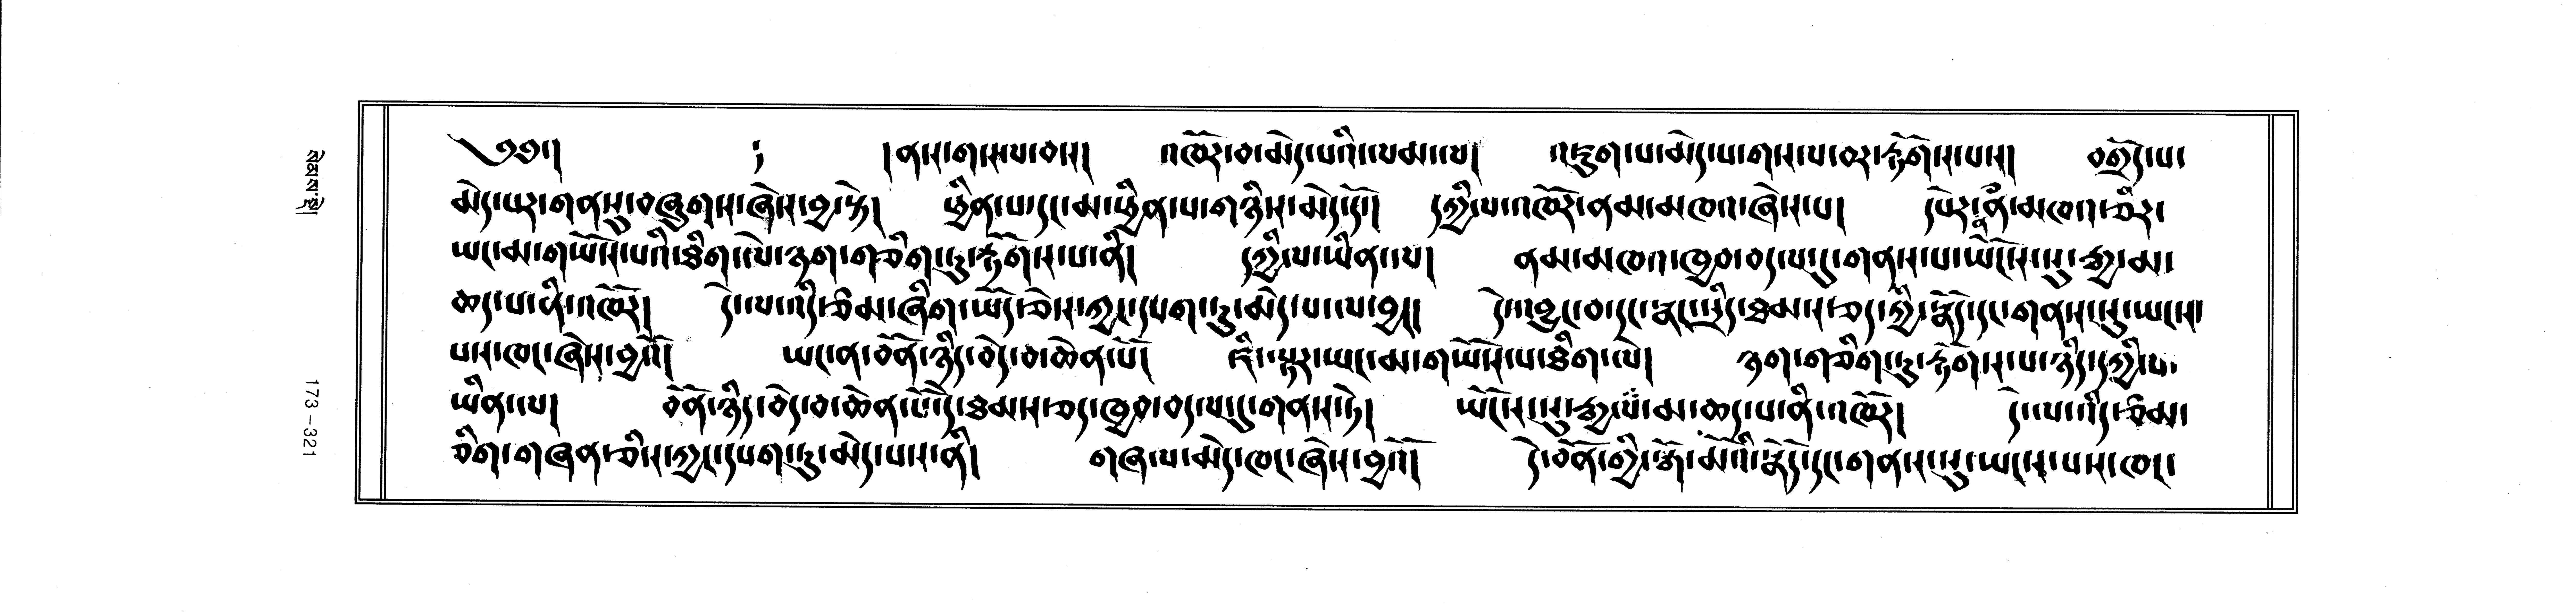ནས་གསལ་བས། འཁོར་བ་མེད་པའི་ལམ་ལ། འཇུག་པ་མེད་པ་གསལ་བར་རྟོགས་པས། བགྲོད་པ་
མེད་པར་གནས་སུ་བཞུགས་ཞེས་བྱ་སྟེ། ཕྱིན་པ་དང་མ་ཕྱིན་པ་གཉིས་མེད་དོ། །དཀྱིལ་འཁོར་ནམ་མཁའ་ཞེས་པ། དཔེར་ན་ནམ་མཁའ་ཅིར་
ཡང་མ་གཡོས་པའི་ཐིག་ལེ་ཉག་གཅིག་ཏུ་རྟོགས་པ་ནི། དཀྱིལ་ཡིན་ལ། ནམ་མཁའ་ཁྱབ་བདལ་དུ་གནས་པ་ཡོངས་སུ་རྒྱ་མ་
ཆད་པ་ནི་འཁོར། དེ་ལ་འདི་ཙམ་ཞིག་ཡོད་ཅེས་དཔག་ཏུ་མེད་པ་ལ་བྱ། དེ་འབྱུང་བ་དང་སྣང་སྲིད་ཐམས་ཅད་ཀྱི་སྣོད་དང་གནས་སུ་ཡངས་
པས་ཁང་ཞེས་བྱའོ། །ཡང་ན་བོན་ཉིད་བདེ་བ་ཆེན་པོ་ཇི་ལྟར་མ་གཡོས་པ་ཐིག་ལེ། ཉག་གཅིག་ཏུ་རྟོགས་པ་ཉིད་དཀྱིལ་གྱིས་
ཡིན་ལ། བོན་ཉིད་བདེ་བ་ཆེན་པོ་དེ་ཐམས་ཅད་ཁྱབ་བདལ་དུ་གནས་ཏེ། ཡོངས་སུ་རྒྱ་མ་ཆད་པ་ནི་འཁོར། དེ་ལ་འདི་ཙམ་
ཞིག་གཞན་ཅིས་ཀྱང་དཔག་ཏུ་མེད་པས་ནི་གཞལ་མེད་ཁང་ཞེས་བྱའོ། །དེ་བོན་གྱི་སྒོ་མོའི་སྣོད་དང་གནས་སུ་ཡངས་པས་ཁང་